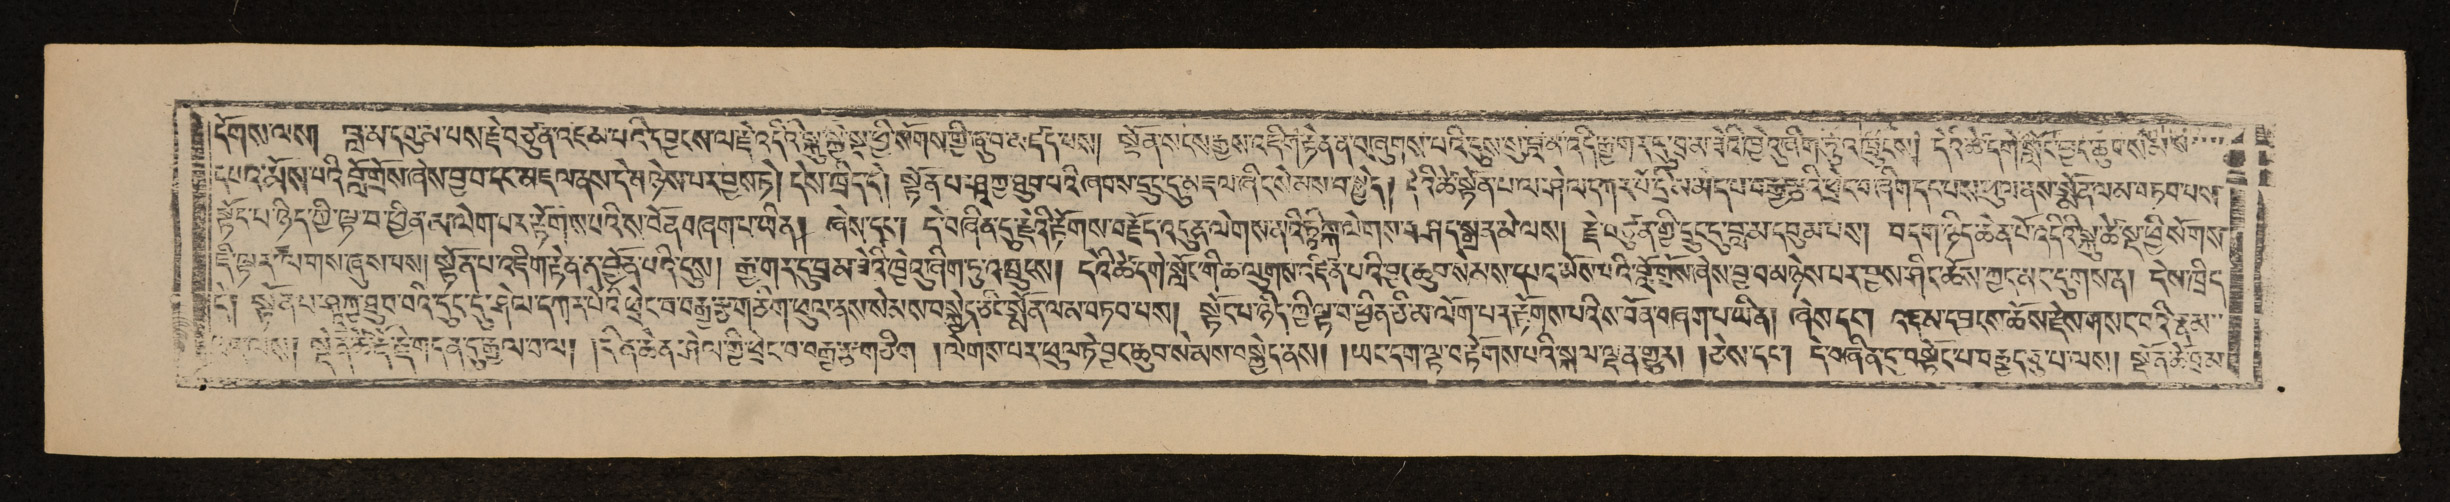ངོགས་ལས། བླ་མ་དབུ་མ་པས་རྗེ་བཙུན་འཇམ་པའི་དབྱངས་ལ་རྗེ་འདིའི་སྐུ་སྐྱེ་སྔ་ཕྱི་སོགས་ཀྱི་ཞུ་བ་མཛད་པས། སྔོན་སངས་རྒྱས་འཇིག་རྟེན་ན་བཞུགས་པའི་དུས་སུ་བླ་མ་འདི་རྒྱ་གར་དུ་བྲམ་ཟེའི་ཁྱེའུ་ཞིག་ཏུ་འཁྲུངས། དེའི་ཚེ་དགེ་སློང་བྱང་ཆུབ་སེམས་
དཔའ་མོས་པའི་བློ་གྲོས་ཞེས་བྱ་བ་དང་མཇལ་ནས་དེ་མཉེས་པར་བྱས་ཏེ། དེས་ཁྲིད་དེ། སྟོན་པ་ཤཱཀྱ་ཐུབ་པའི་ཞབས་དྲུང་དུ་མཇལ་ཞིང་སེམས་བསྐྱེད། དེའི་ཚེ་སྟོན་པ་ལ་ཤེལ་དཀར་པོའི་དྲི་མ་མེད་པ་བརྒྱ་རྩའི་ཕྲེང་བ་ཞིག་དང་པས་ཕུལ་ནས་སྨོན་ལམ་བཏབ་པས་
སྟོང་པ་ཉིད་ཀྱི་ལྟ་བ་ཕྱིན་ཅི་མ་ལོག་པར་རྟོགས་པའི་ས་བོན་བཞག་པ་ཡིན། ཞེས་དང་། དེ་བཞིན་དུ་རྗེའི་རྟོགས་བརྗོད་འདུན་ལེགས་མའི་ཊཱིཀྐ་ལེགས་བཤད་སྒྲོན་མེ་ལས། རྗེ་བཙུན་གྱི་དྲུང་དུ་བླ་མ་དབུ་མ་པས། བདག་ཉིད་ཆེན་པོ་འདིའི་སྐུ་ཚེ་སྔ་ཕྱི་སོགས་
ཇི་ལྟར་ལགས་ཞུས་པས། སྟོན་པ་འཇིག་རྟེན་ན་བྱོན་པའི་དུས། རྒྱ་གར་དུ་བྲམ་ཟེའི་ཁྱེའུ་ཞིག་ཏུ་འཁྲུངས། དེའི་ཚེ་དགེ་སློང་གི་ཆ་ལུགས་འཛིན་པའི་བྱང་ཆུབ་སེམས་དཔའ་མོས་པའི་བློ་གྲོས་ཞེས་བྱ་བ་མཉེས་པར་བྱས་ཤིང་ཆོས་ཀྱང་མང་དུ་གསན། དེས་ཁྲིད་
དེ༑ སྟོན་པ་ཤཱཀྱ་ཐུབ་པའི་དྲུང་དུ་ཤེལ་དཀར་པོའི་ཕྲེང་བ་བརྒྱ་རྩ་གཅིག་ཕུལ་ནས་སེམས་བསྐྱེད་ཅིང་སྨོན་ལམ་བཏབ་པས། སྟོང་པན་ཡིད་ཀྱི་ལྟ་བ་ཕྱིན་ཅི་མ་ལོག་པར་རྟོགས་པའི་ས་བོན་བཞག་པ་ཡིན། ཞེས་དང་། འཇམ་དབྱངས་ཆོས་རྗེས་གསང་བའི་རྣམ་
ཐར་ལས། སྔོན་ཚེ་རྡོ་རྗེ་གདན་དུ་རྒྱལ་བ་ལ། །རིན་ཆེན་ཤེལ་གྱི་ཕྲེང་བ་བརྒྱ་རྩ་གཅིག །ལེགས་པར་ཕུལ་ཏེ་བྱང་ཆུབ་སེམས་བསྐྱེད་ནས། །ཡང་དག་ལྟ་བ་རྟོགས་པའི་སྐལ་ལྡན་གྱུར། །ཅེས་དང་། དེ་བཞིན་དུ་བསྟོད་པ་བརྒྱད་ཅུ་བ་ལས། སྔོན་ཚེ་བྲམ་